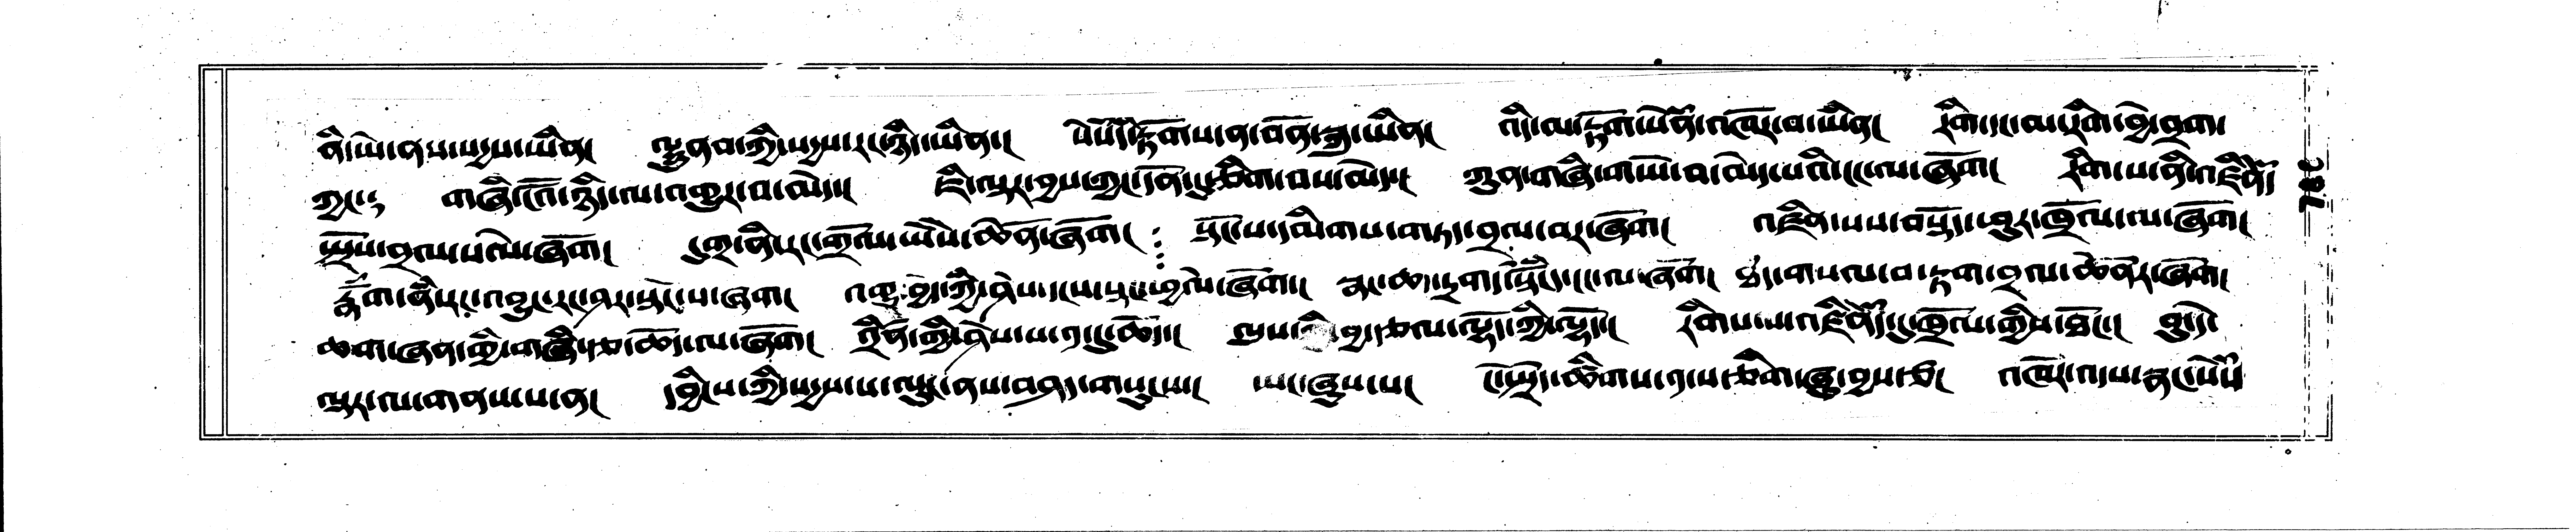ནི་ཡེ་ནས་སངས་རྒྱས་ཡིན། ལྷུན་གྲུབ་ཀྱི་སངས་རྒྱས་རང་ཉིད་ཡིན། སེམས་ཉིད་རྟོགས་ན་བོན་སྐུ་ཡིན། འདི་མ་རྟོགས་སེམས་ཅན་འཁོར་བ་ཡིན། རིག་དང་མ་རིག་བྱེ་བྲག་
ཀྱང་། གཞི་ངོའོ་ཉིད་ལ་འགྱུར་བ་མེད། ཇི་ལྟར་བྱས་ཀྱང་དོན་དུ་གཅིག་བས་མེད། ཀུན་གཞི་གཡོ་བ་མེད་པའི་ངང་ལ་ཞོག རིག་པ་ནི་འཛིན་མེད་
སྤྲོས་བྲལ་སལེ་ཞོག དུག་ལྔ་ནི་རང་གྲོལ་ཡེ་ཤེས་ཆེན་པོར་ཞོག རྣམ་རྟོག་ནི་རང་འབྱུང་རང་ཤར་སྟོང་པ་ཞོག འགྱུ་བྱེད་ཀྱི་ཤེས་༼པ༽དངས་སྟོང་ཕྱལ་ལེ་ཞོག སྣང་ཚད་གྲག་ཚད་སྟོང་ཉིད་ངང་ལ་ཞོག ཐམས་ཅད་གསལ་བ་རྟོག་བྲལ་ཆེན་པོར་ཞོག སྟོང་པ་དམིགས་གཏད་བྲལ་བར་ཞོག འཛིན་པའི་བསྟོད་’བརྟོད’ཕུར་ཁྲོལ་ལ་ཞོག
ཆགས་ཞེན་གྱི་གཞི་རྩ་ཆོད་ལ་ཞོག གཉིས་འཛིན་གྱི་ཤེས་པ་གཅིག་ཏུ་ཆོད། ལུས་ཀྱི་བྱ་རྩལ་ལྷོད་ཀྱིས་ལྷོད། རིག་པ་འཛིན་མེད་དུ་ཁྲོལ་གྱིས་ཐོངས། བུ་དེ་
ལྟར་ལ་གནས་པ་ན། དབྱིངས་ཀྱི་སངས་རྒྱས་པ་ལུང་ནས་བཤད་གསུངས། ཡང་ཞུས་པ། ངོ་སྤྲོད་ཚིག་གཅིག་པ་ཅིག་ཞུ་བྱས་ཙ། འཁོར་འདས་སྣང་སེམས་